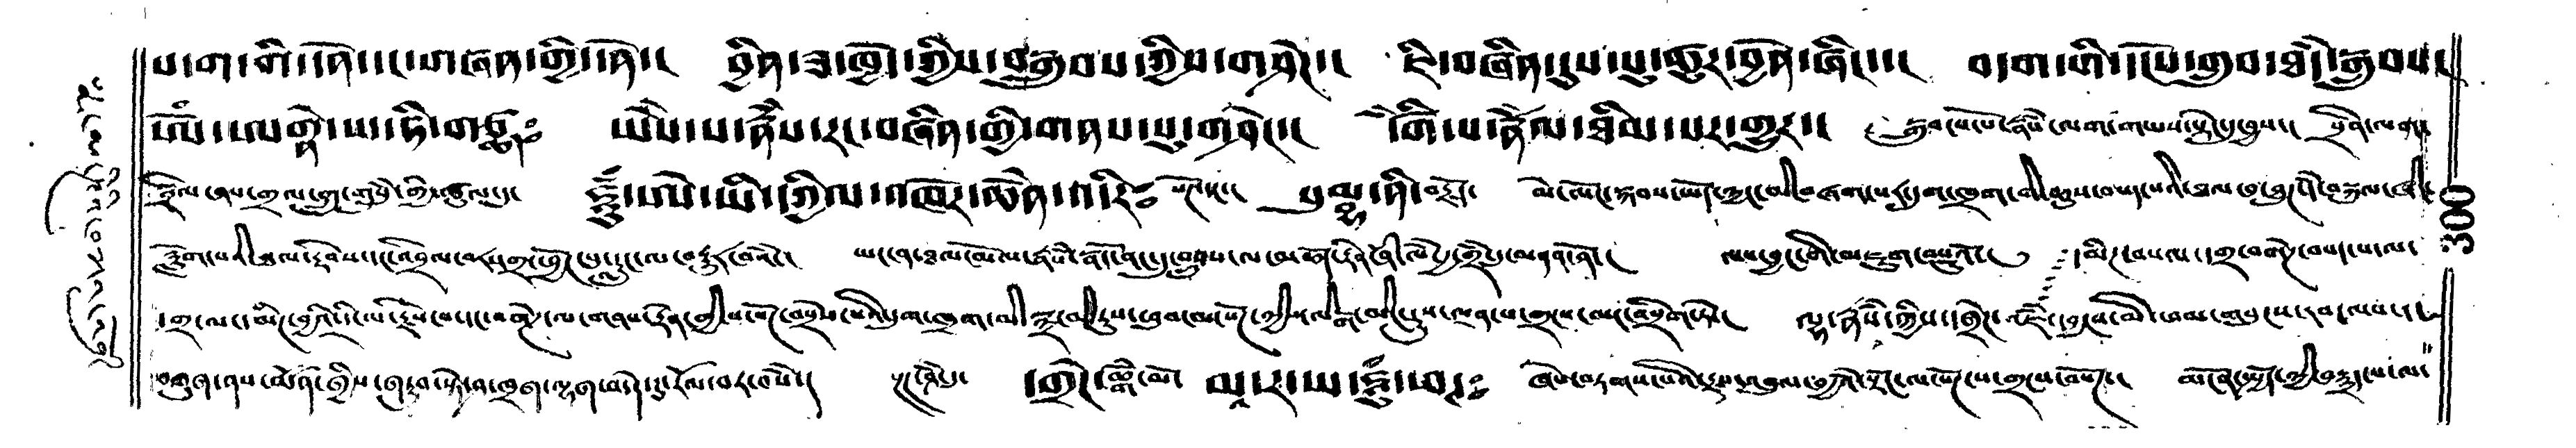བདག་གི་དོན་དང་གཞན་གྱི་དོན། །བྱིན་ཁྱོད་ཀྱིས་བསྒྲུབས་ཀྱིས་གཤེགས། །ཇི་བཞིན་དུས་སུ་ཚུར་བྱོན་ཞིང་། །བདག་གི་དངོས་གྲུབ་ཐམས་ཅད་སྒྲུབས། 
ཨོཾ་ཨགྣེ་ཡ་ཧི་གཙྪ༔ ཡེ་ཤེས་པ་རྣམས་རང་བཞིན་གྱི་གནས་སུ་གཤེགས། དམ་ཚིག་པ་རྣམས་རང་ལ་ཐིམ་པར་གྱུར། སྒྲུབ་པ་པོ་རྣམས་ལག་གཡས་སྟེང་དུ་བྱས། སྲིན་ལག་
སྦྲེལ་ནས་གྲལ་གྲུ་གསུམ་གྱི་ཚུལ་དུ། ཧཱུྃ༔ཨེ་ཡི་དཀྱིལ་འཁོར་ཆེན་པོ་འདིར༔ སོགས་དང་། སུམྦྷ་ནི་བརྗོད། མེ་ལོང་སྐབས་ཡོད་ཀྱང་མི་བཞག་པར་དུག་ཁྲག་གི་ཆུས་བསད་པའི་ཐལ་བ་ཐུགས་དམ་བསྐུལ་ཞིང་
ཟློག་པའི་ཐལ་རྡེབས་དང་འབྲེལ་བར་དགྲ་ཕྱོགས་སུ་རླུང་ལ་བསྐུར་བའམ། ཡང་ན་ཐལ་སོལ་རྣམས་སྣོད་ནང་དུ་བླུགས་ལ་མཆོད་རྟེན་ནས་ལམ་རྒྱ་གྲམ་དུ་མནན་ནོ། ལས་བྱང་གི་མཇུག་བསྡུའོ། འཇམ་དབྱངས་མི་ཕམ་གསུངས་རབ་ལས། དམིགས་གསལ་དགྲ་བགེགས་བསད་པ་ལ་
དགྲ་ལ་དམིགས་བྱའི་དྲི་མ་རྗེས་ས་དང་བགེགས་ལ་གནས་རྟེན་གྱི་ས་སོགས་བསྲེས་པའི་དུག་ཁྲག་མི་སྐྲ་མི་རུས་ཕུབ་མ་སོགས་ཀྱིས་ལིངྒ་མིང་རུས་ལྡན་པ་གྲངས་མར་བསྲེག་ཏེ། ལྷ་རྣམས་ཀྱིས་དགྲ་བགེགས་
བཀུག་ནས་མཚོན་གྱིས་གཏུབས་ཏེ་ཤ་ཁྲག་ལྷག་མེད་དུ་རོལ་བར་བསམ། སྔགས་ཤམ་དུ། དགྲ་བགེགས་ཆེ་གེ་མོ། མཱ་ར་ཡ་ཧཱུྃ་ཕཊཿ ཞེས་བཏགས་པའི་རྫས་འབུལ་བརྒྱའམ་སྟོང་ལ་སོགས་པ་གྲངས་བསོགས། མངོན་སྤྱོད་ཀྱི་བསྐྲད་པ་ལ་